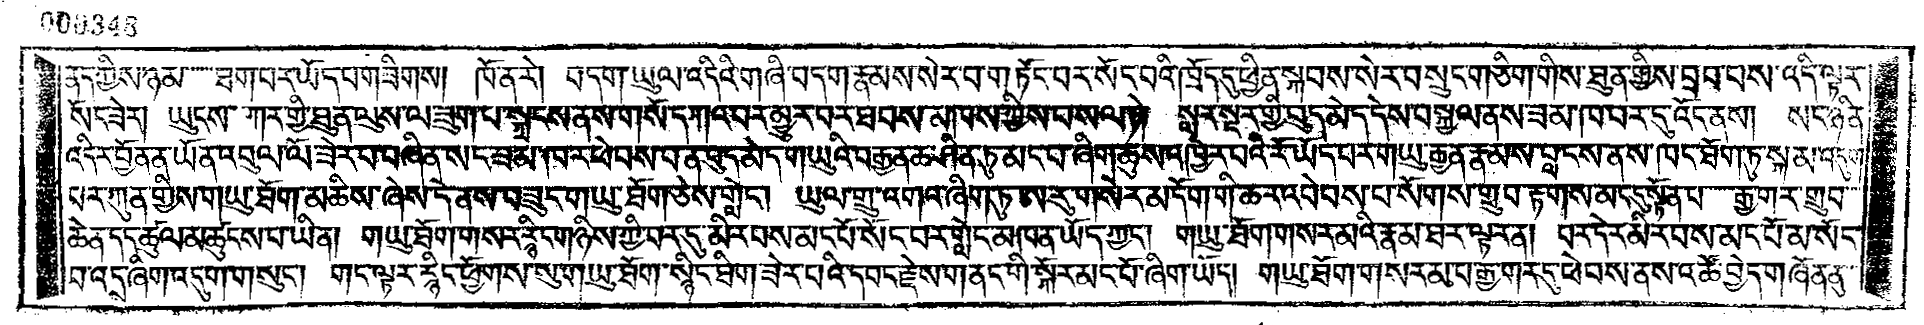ནད་ཀྱིས་ཉམ་ཐག་པར་ཡོད་པ་གཟིགས། ཁོ་ན་རེ། བདག་ཡུལ་འདིའི་གཞི་བདག་རྣམས་སེར་བ་གཏོང་བར་སོང་བའི་ཁྲོད་དུ་ཕྱིན་སྐབས་སེར་བསྲུང་གཅིག་གིས་ཐུན་གྱིས་བྲབ་པས་འདི་ལྟར་
སོང་ཟེར། ཡུངས་ཀར་གྱི་ཐུན་ལུས་ལ་ཟུག་པ་སྐྲངས་ནས་གསོ་དཀའ་བར་མྱུར་བར་ཐབས་མཁས་ཀྱིས་བསལ་ཏེ། སླར་སྔར་གྱི་བུད་མེད་དེས་བསྐྱལ་ནས་ཟམ་ཁ་བར་དུ་འོང་ནས། སང་ཉིན་
འདིར་བྱོན་ན་ཡོན་འབུལ་ལོ་ཟེར་བ་བཞིན་སང་ཟམ་ཁར་ཕེབས་པ་ན་བུད་མེད་གཡུའི་བརྒྱན་ཆ་ཤིན་ཏུ་མང་བ་ཞིག་ཆུས་འཁྱེར་བའི་རོ་ཡོད་པར་གཡུ་རྒྱན་རྣམས་བླངས་ནས་ཁང་ཐོག་ཏུ་སྐམ་འདུག་
པར་ཀུན་གྱིས་གཡུ་ཐོག་མཆིས་ཞེས་དེ་ནས་བཟུང་གཡུ་ཐོག་ཅེས་གླེང་། ཡུལ་གྲུ་འགའ་ཞིག་ཏུ་ཨ་རུ་གསེར་མདོག་གི་ཆར་འབེབས་པ་སོགས་གྲུབ་རྟགས་མང་དུ་སྟོན་པ་རྒྱ་གར་གྲུབ་
ཆེན་དང་ཚུལ་མཚུངས་པ་ཡིན། གཡུ་ཐོག་གསར་རྙིང་གཉིས་ཀྱི་བར་དུ་མི་རབས་མང་པོ་སོང་བར་གླེང་མཁན་ཡོད་ཀྱང་། གཡུ་ཐོག་གསར་མའི་རྣམ་ཐར་ལྟར་ན། བར་དེར་མི་རབས་མང་པོ་མ་སོང་
བ་འདྲ་ཞིག་འདུག་གསུང་། གང་ལྟར་རྙིང་ཕྱོགས་སུ་གཡུ་ཐོག་སྙིང་ཐིག་ཟེར་བའི་དབང་རྗེས་གནང་གི་སྐོར་མང་པོ་ཞིག་ཡོད། གཡུ་ཐོག་གསར་མ་པ་རྒྱ་གར་དུ་ཕེབས་ནས་འཚོ་བྱེད་གཞོན་ནུ་